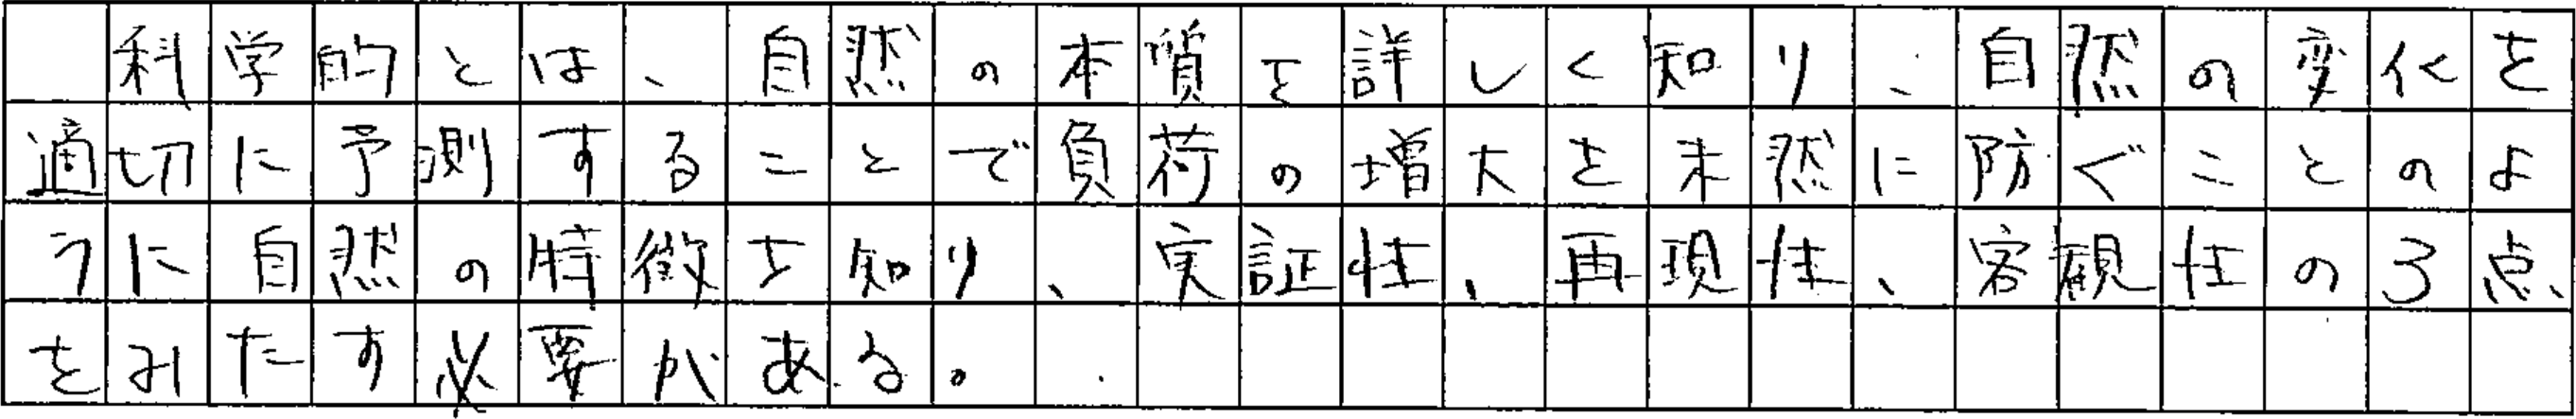　科学的とは、自然の本質を詳しく知り、自然の変化を適切に予測することで負荷の増大を未然に防ぐことのように自然の特徴を知り、実証性、再現性、客観性の３点をみたす必要がある。
